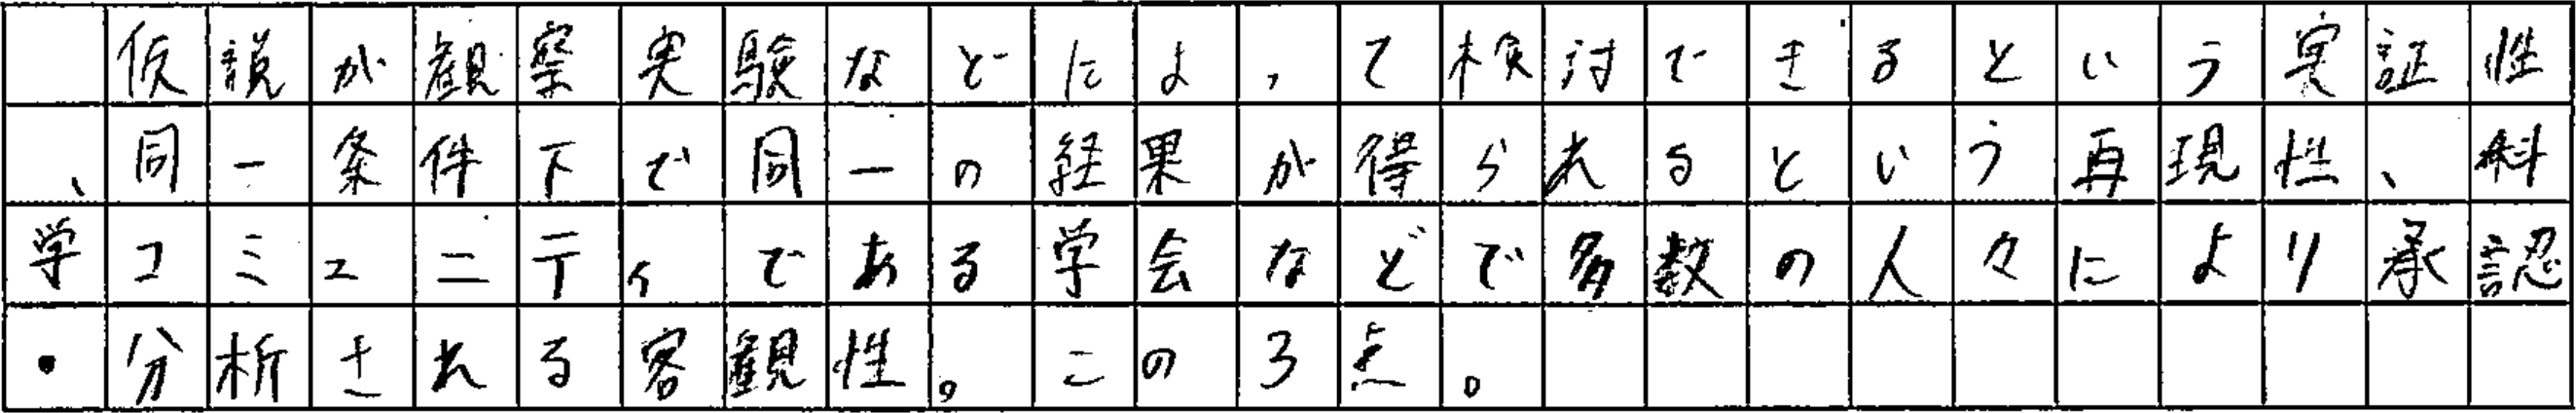　仮説が観察実験などによって検討できるという実証性、同一条件下で同一の経果が得られるという再現性、科学コミュニティである学会などで多数の人々により承認・分析される客観性。この３点。
